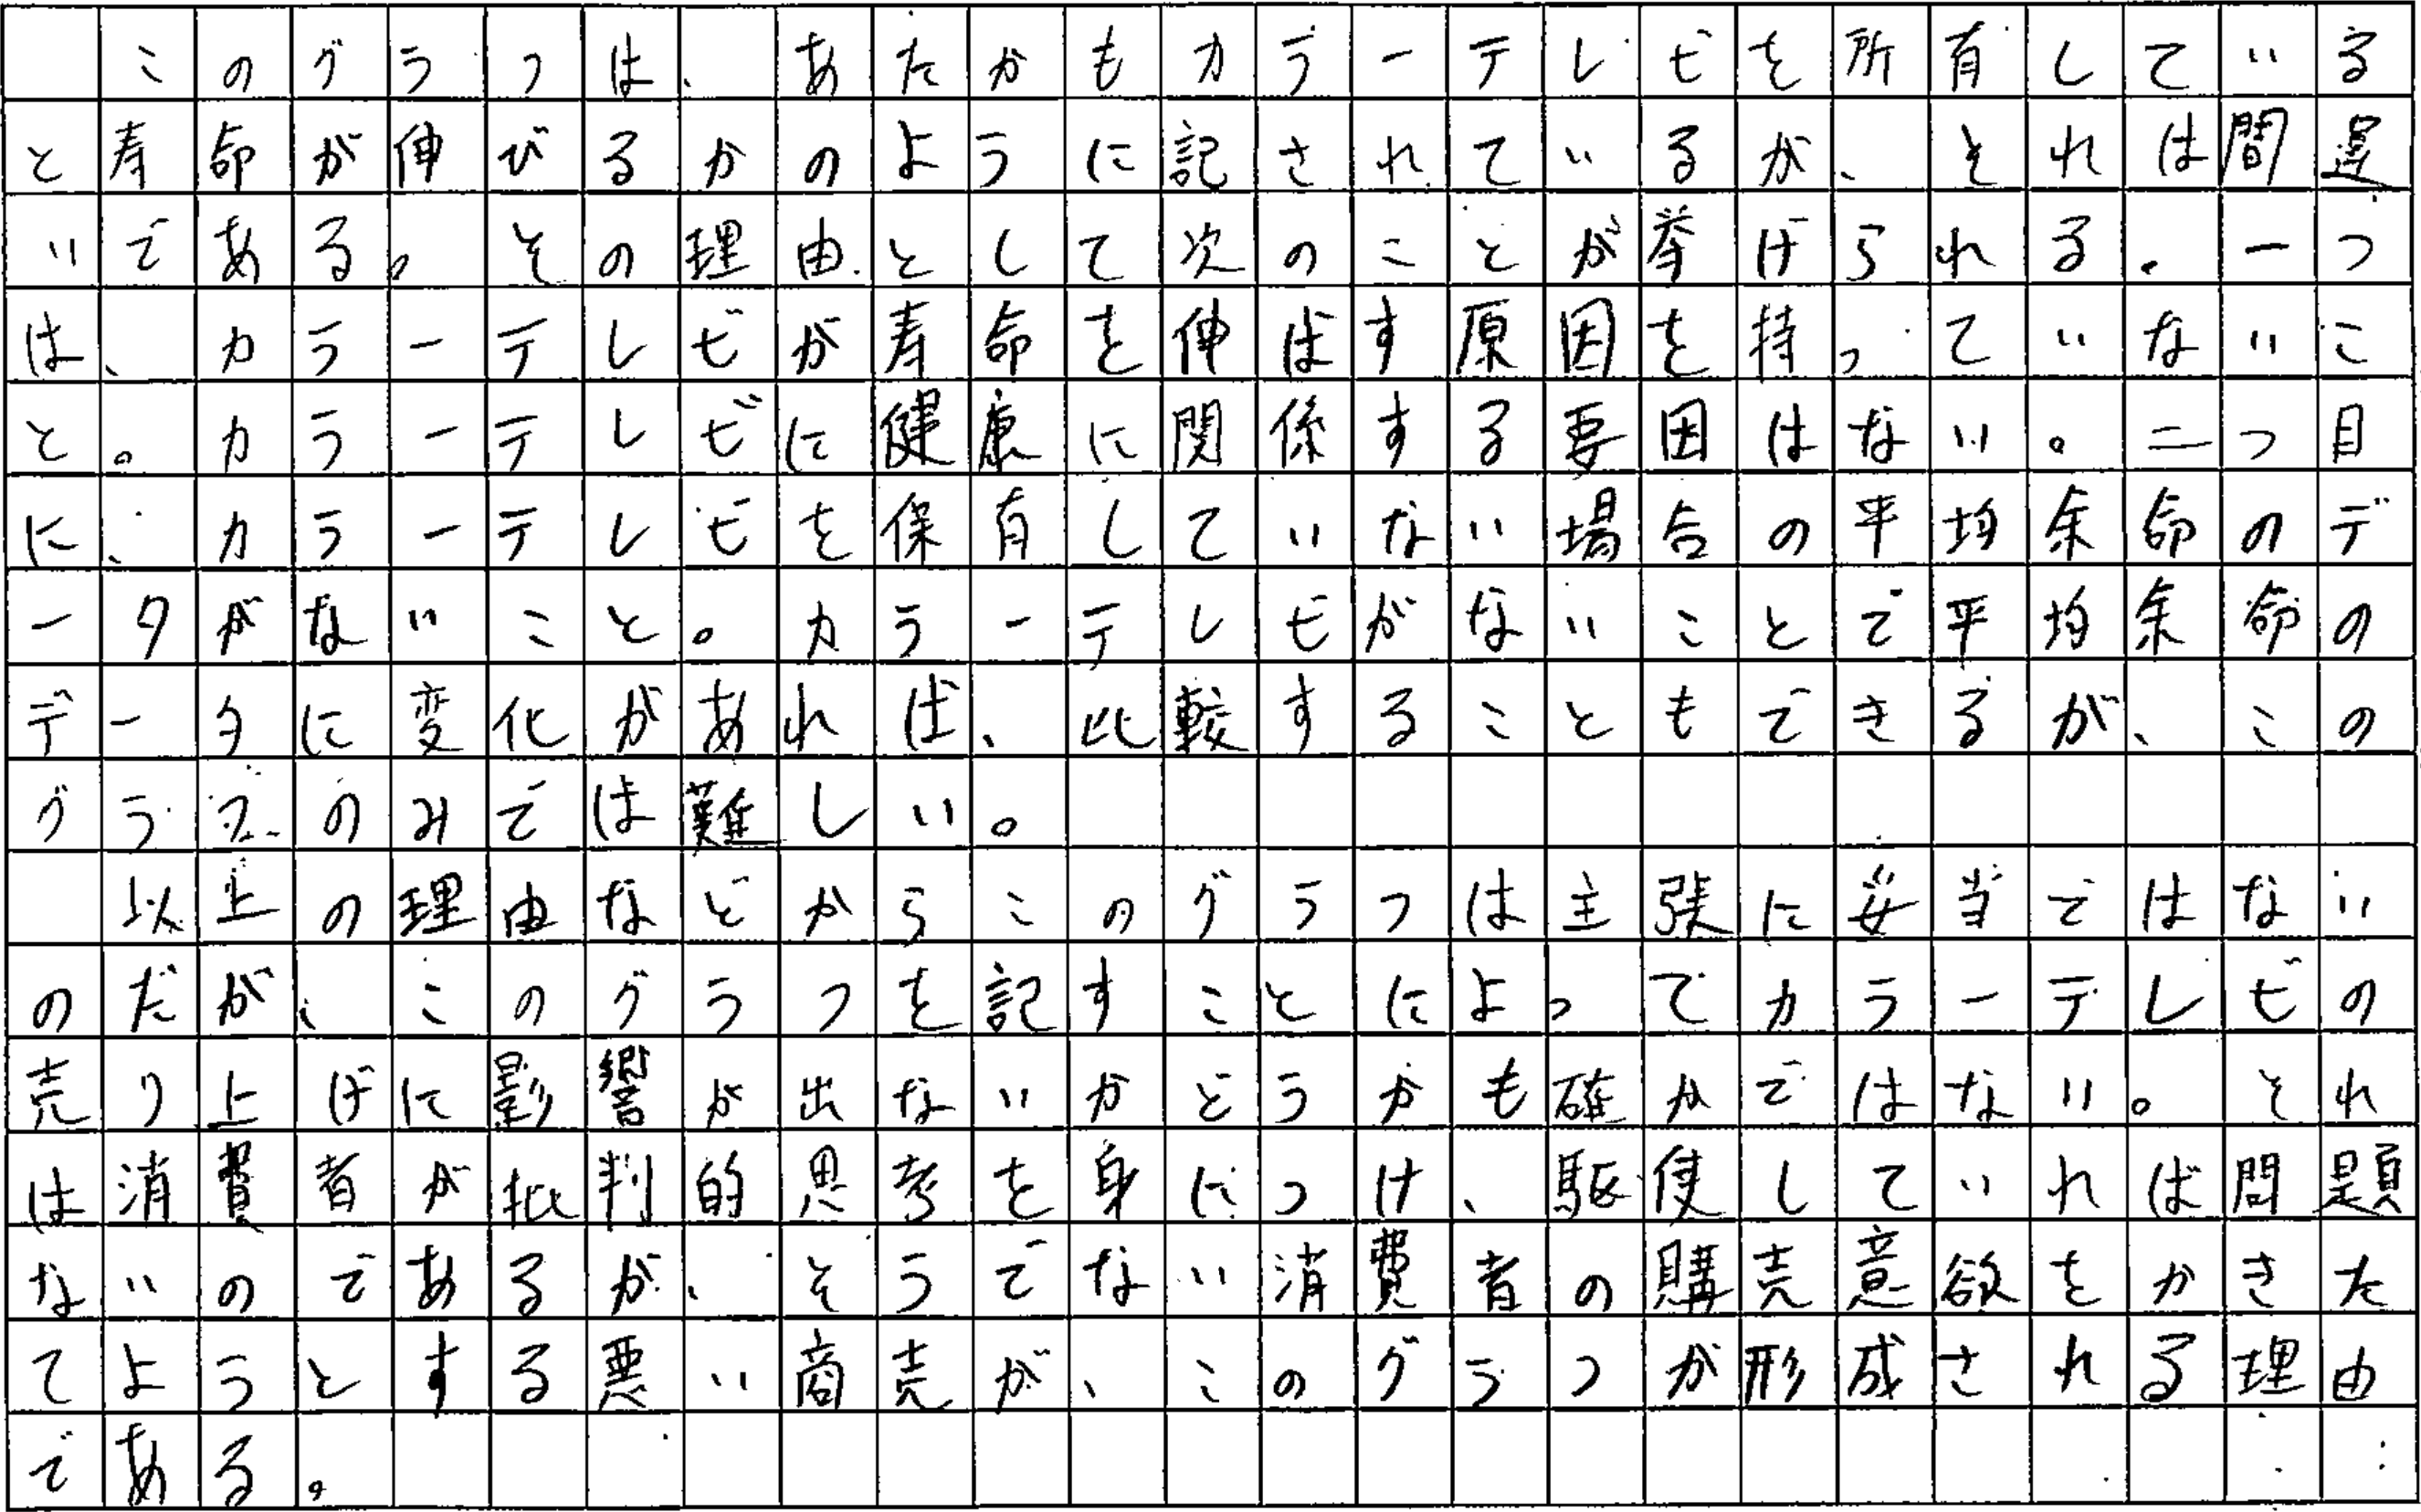　このグラフは、あたかもカラーテレビを所有していると寿命が伸びるかのように記されているが、それは間違いである。その理由として次のことが挙げられる。一つは、カラーテレビが寿命を伸ばす原因を持っていないこと。カラーテレビに健康に関係する要因はない。二つ目に、カラーテレビを保有していない場合の平均余命のデータがないこと。カラーテレビがないことで平均余命のデータに変化があれば、比較することもできるが、このグラフのみでは難しい。
　以上の理由などからこのグラフは主張に妥当ではないのだが、このグラフを記すことによってカラーテレビの売り上げに影響が出ないかどうかも確かではない。それは消費者が批判的思考を身につけ、駆使していれば問題ないのであるが、そうでない消費者の購売意欲をかきたてようとする悪い商売が、このグラフが形成される理由である。
